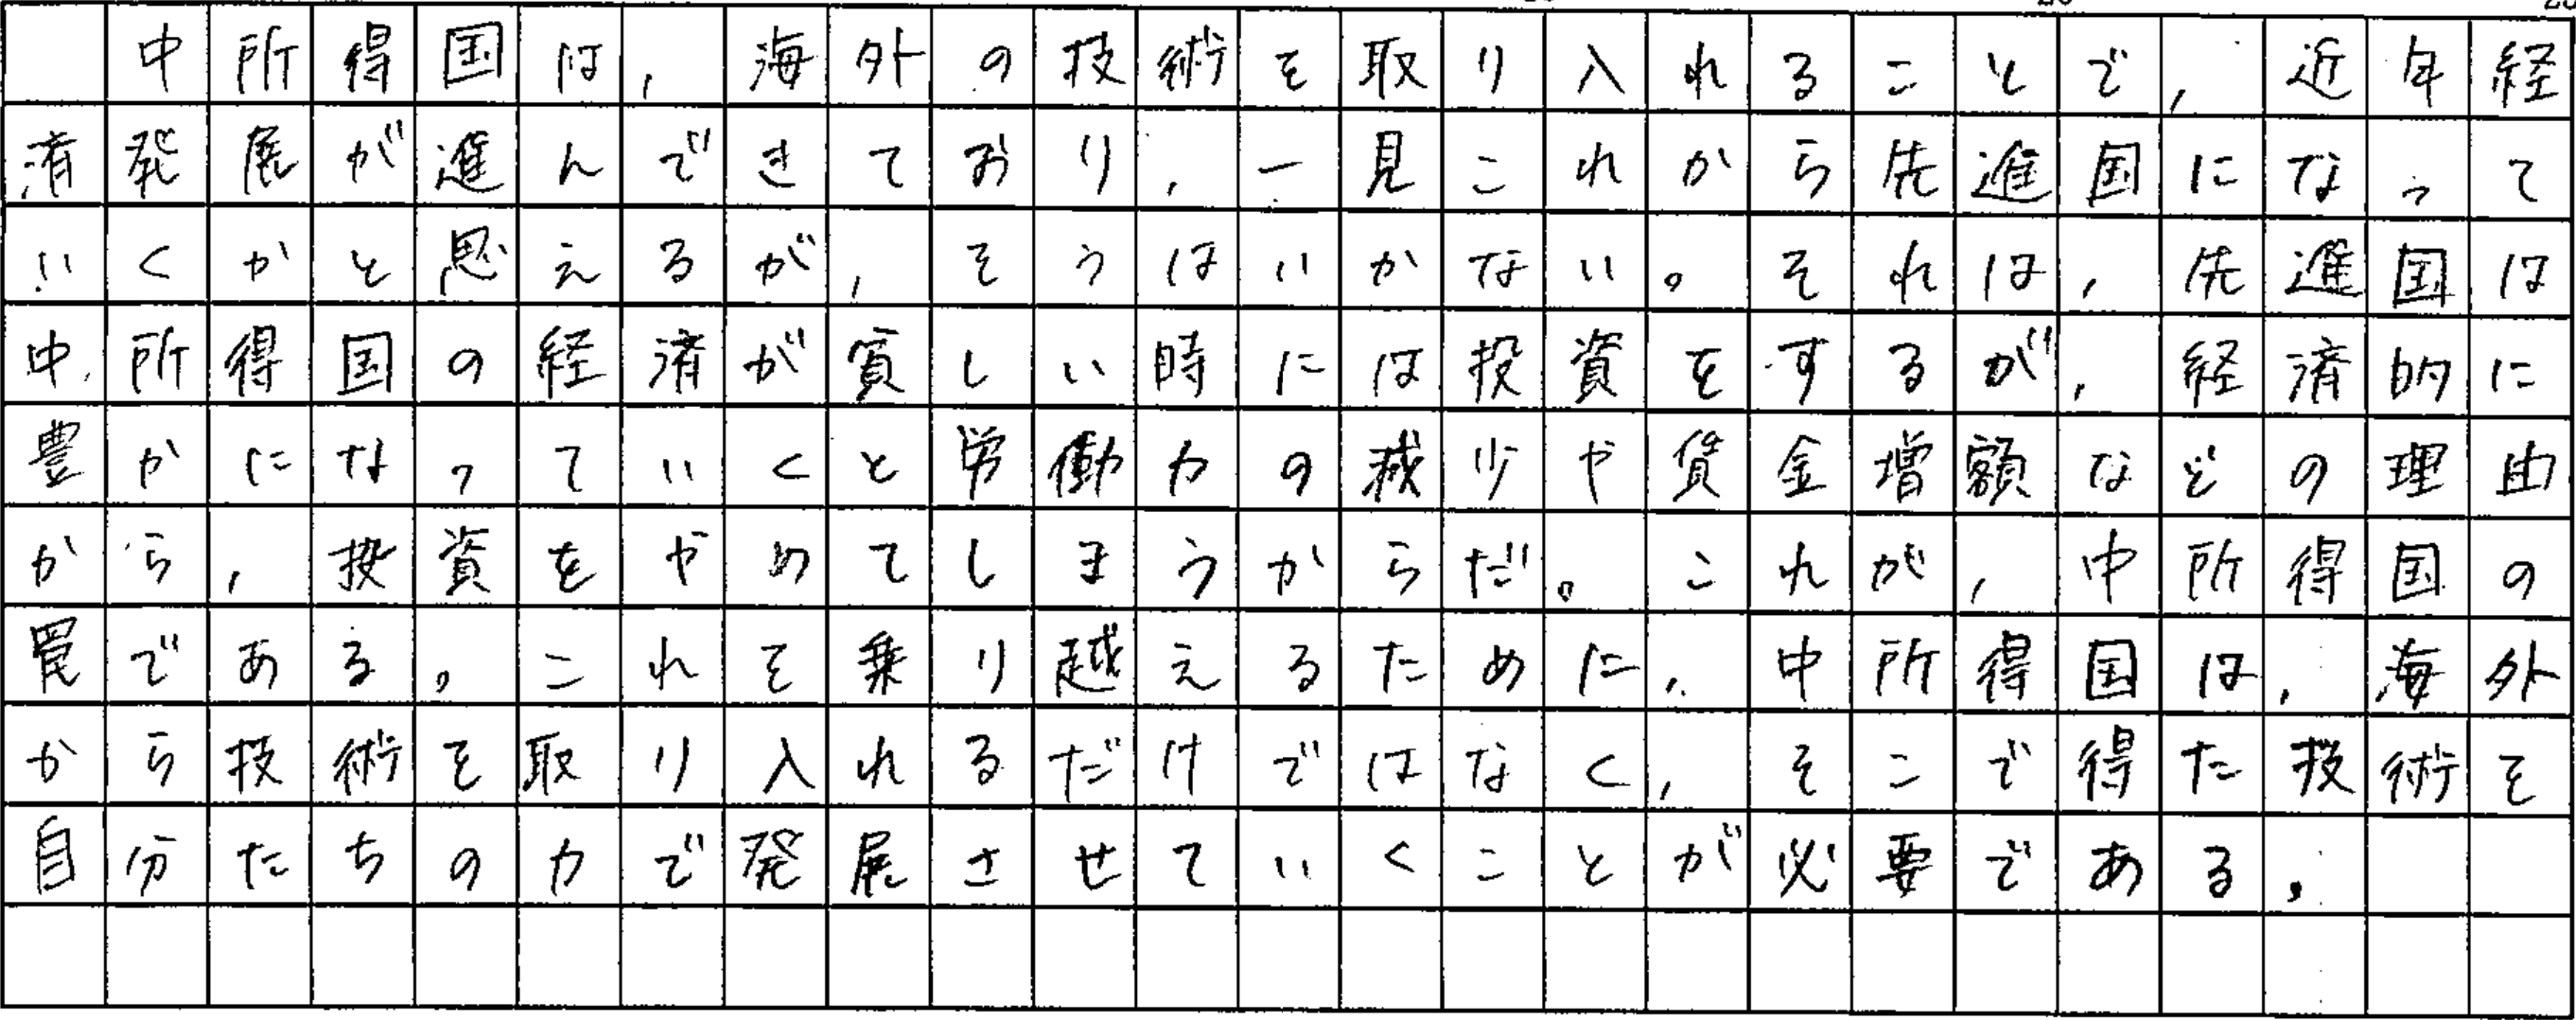　中所得国は、海外の技術を取り入れることで、近年経済発展が進んできており、一見これから先進国になっていくかと思えるが、そうはいかない。それは、先進国は中所得国の経済が貧しい時には投資をするが、経済的に豊かになっていくと労働力の減少や賃金増額などの理由から、投資をやめてしまうからだ。これが、中所得国の罠である。これを乗り越えるために、中所得国は、海外から技術を取り入れるだけではなく、そこで得た技術を自分たちの力で発展させていくことが必要である。
